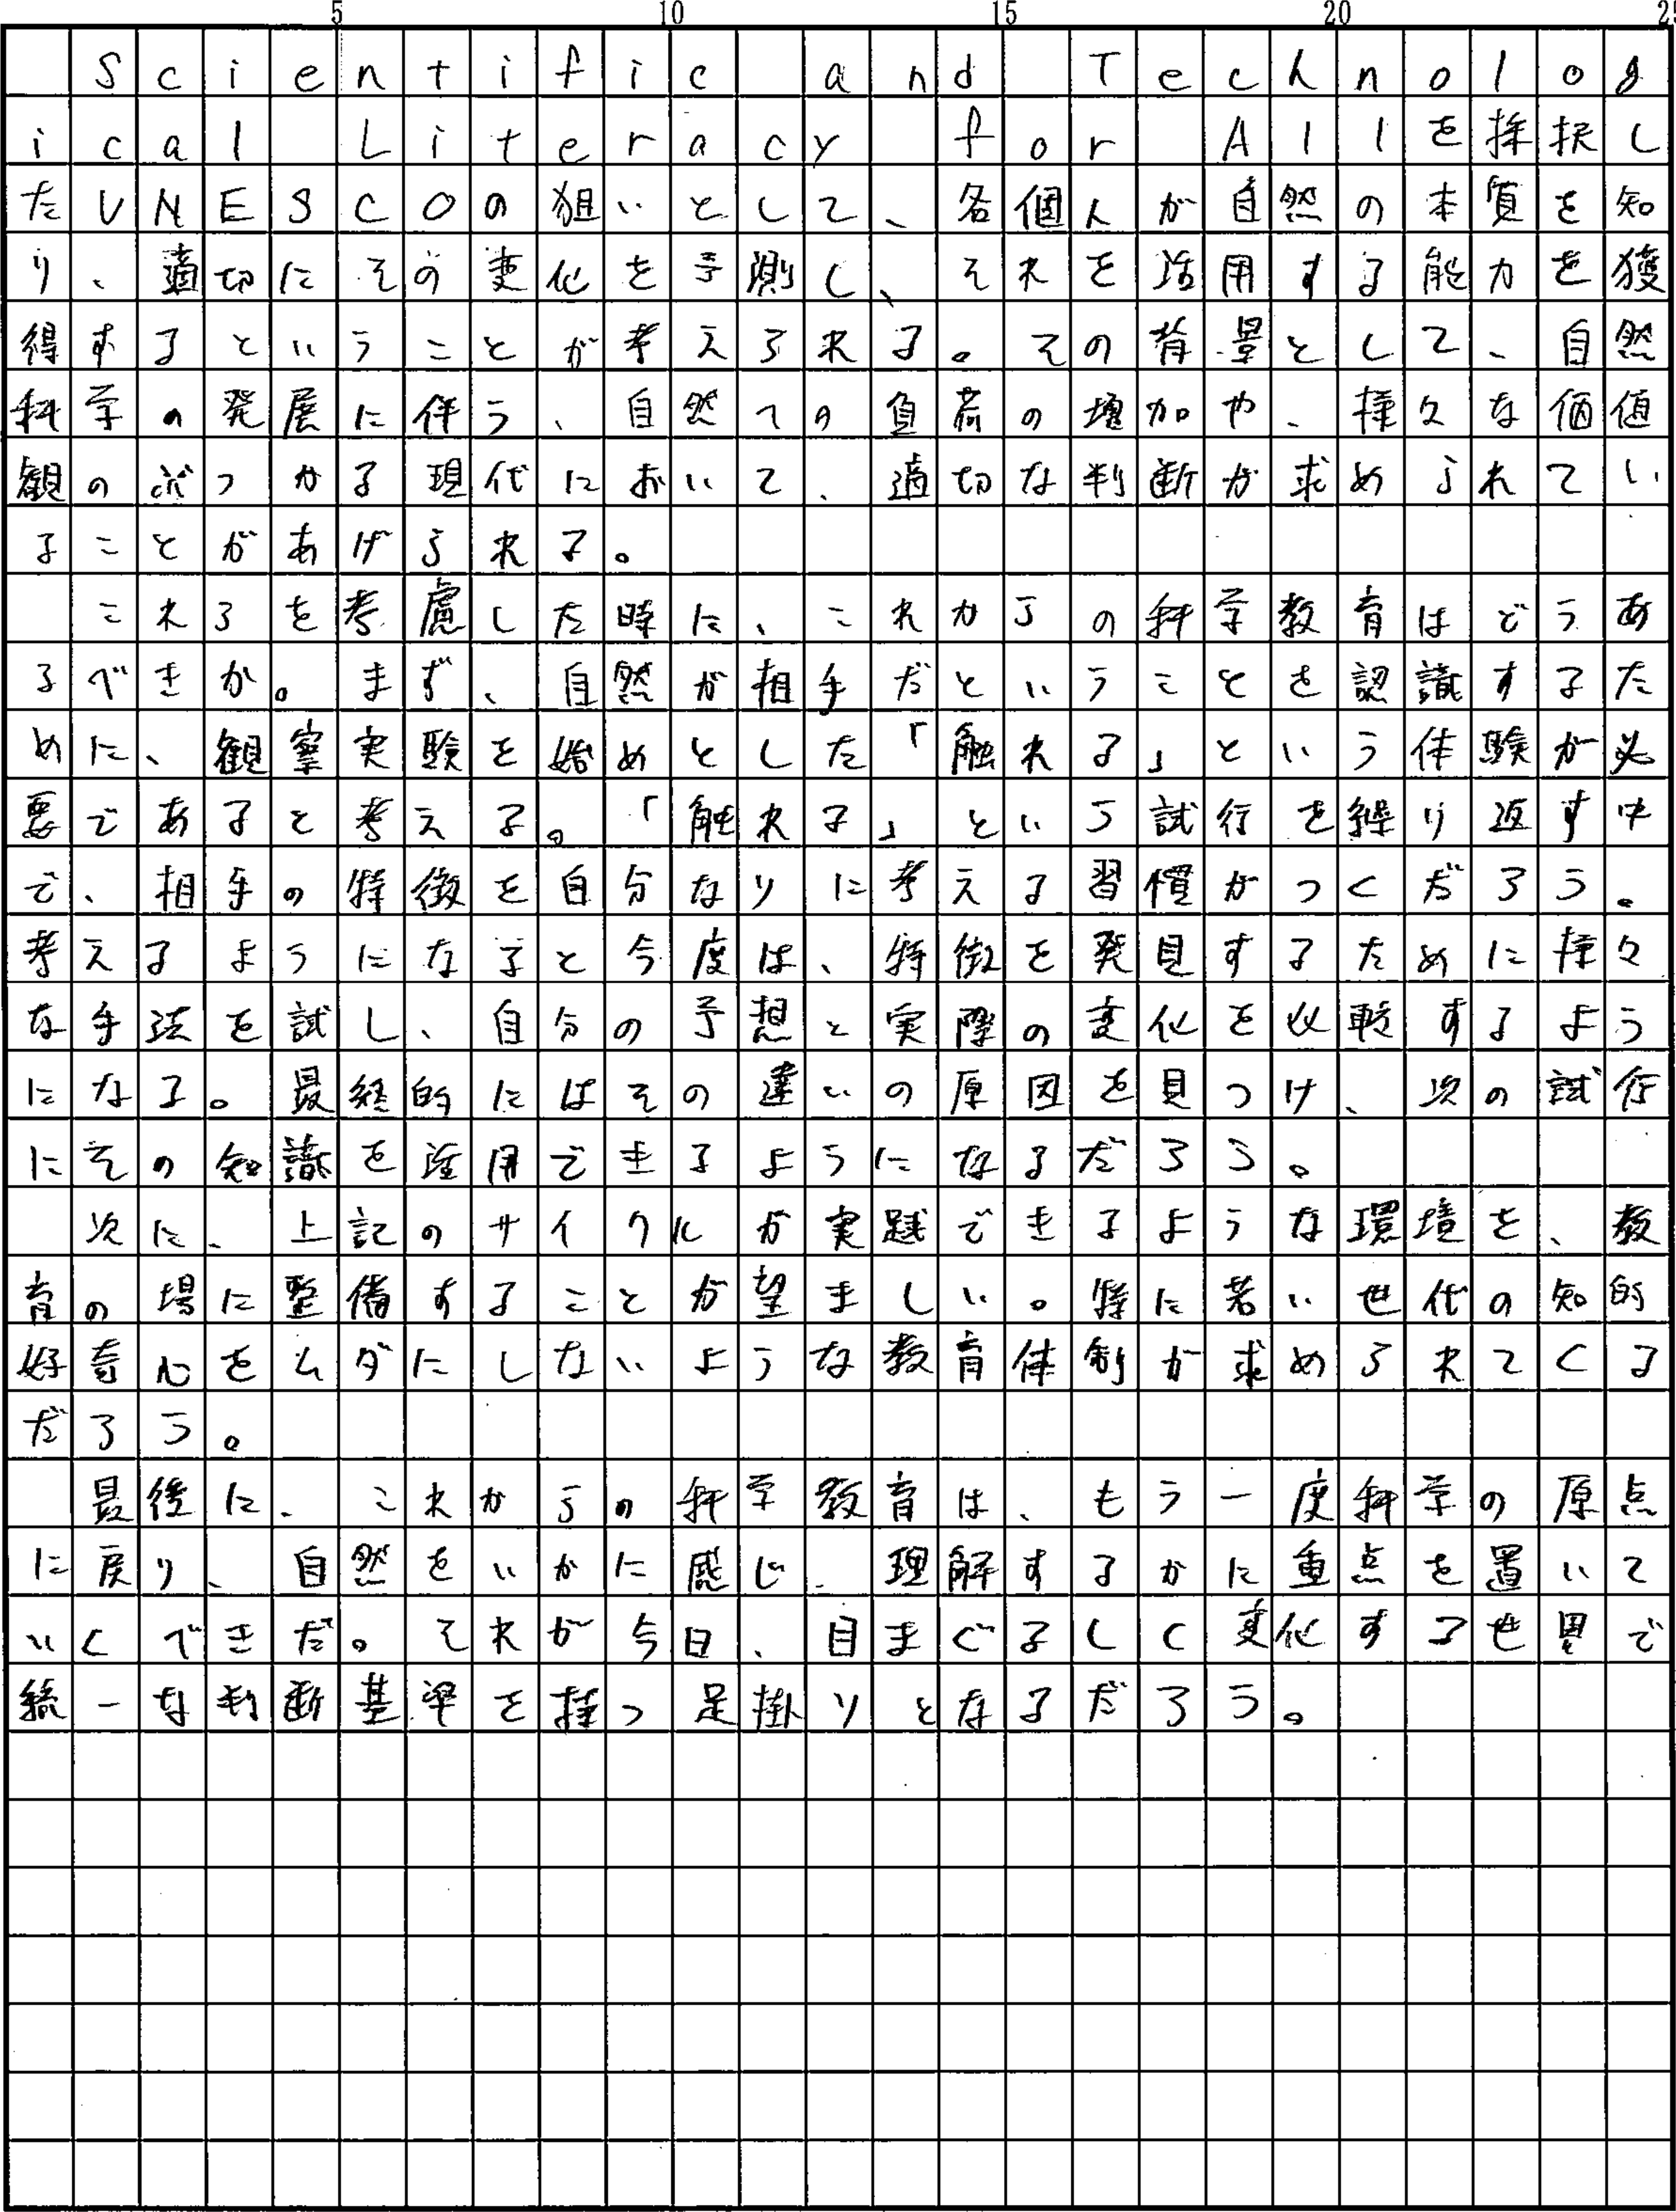　Ｓｃｉｅｎｔｉｆｉｃ　ａｎｄ　Ｔｅｃｈｎｏｌｏｇｉｃａｌ　Ｌｉｔｅｒａｃｙ　ｆｏｒ　Ａｌｌを採択したＵＮＥＳＣＯの狙いとして、各個人が自然の本質を知り、適切にその変化を予測し、それを活用する能力を獲得するということが考えられる。その背景として、自然科学の発展に伴う、自然への負荷の増加や、様々な▁値観のぶつかる現代において、適切な判断が求められていることがあげられる。
　これらを考慮した時に、これからの科学教育はどうあるべきか。まず、自然が相手だということを認識するために、観察実験を始めとした「触れる」という体験が必要であると考える。「触れる」という試行を繰り返す中で、相手の特徴を自分なりに考える習慣がつくだろう。考えるようになると今度は、特徴を発見するために様々な手法を試し、自分の予想と実際の変化を比較するようになる。最終的にはその違いの原因を見つけ、次の試行にその知識を活用できるようになるだろう。
　次に、上記のサイクルが実践できるような環境を、教育の場に整備することが望ましい。特に若い世代の知的好奇心をムダにしないような教育体制が求められてくるだろう。
　最後に、これからの科学教育は、もう一度科学の原点に戻り、自然をいかに感じ、理解するかに重点を置いていくべきだ。それが今日、目まぐるしく変化する世▁で統一な判断基準を持つ足掛りとなるだろう。
